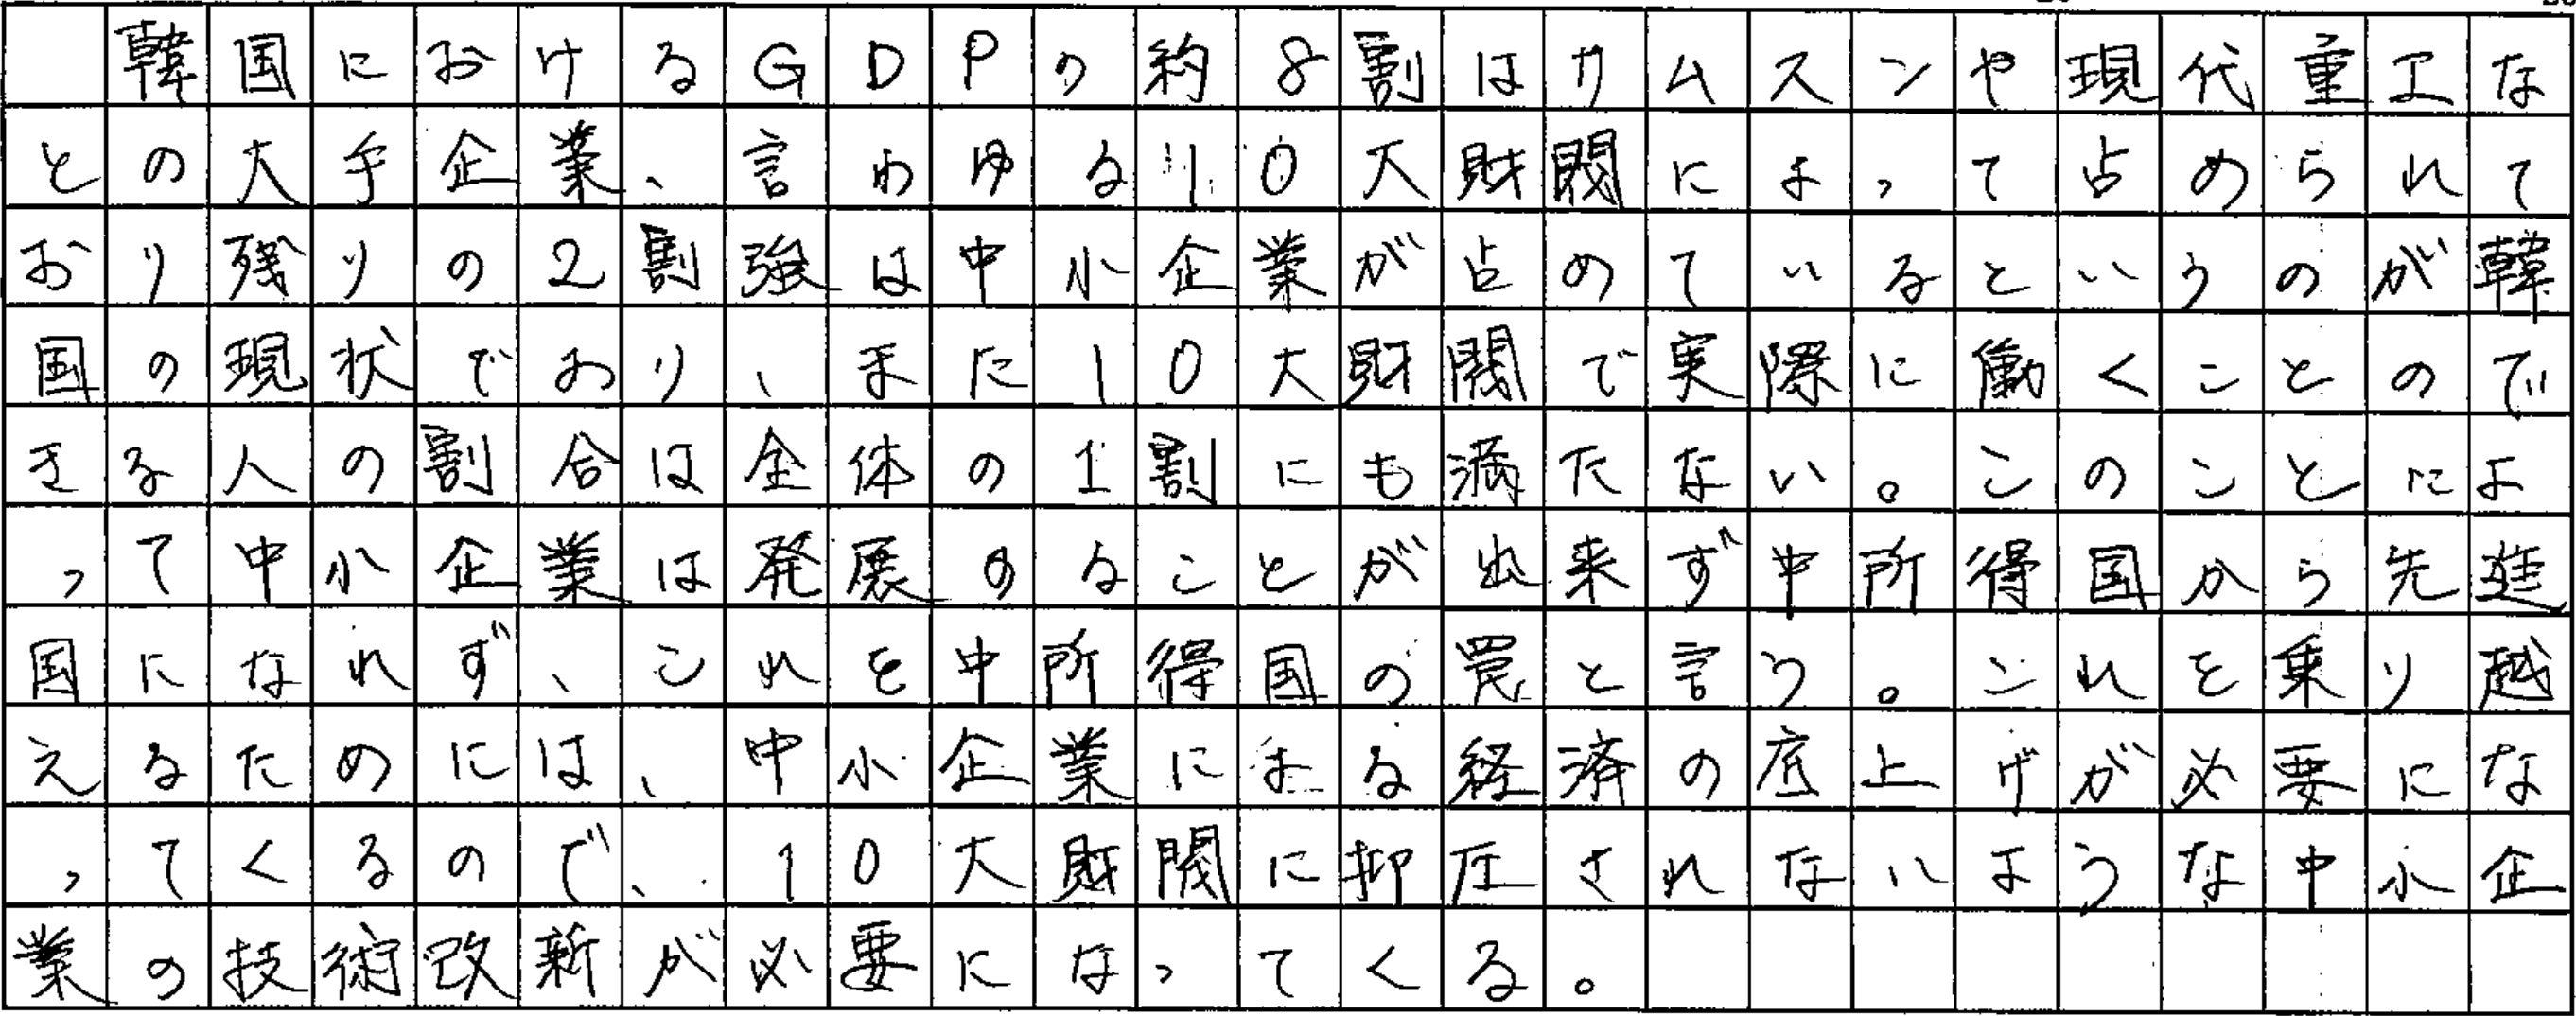　韓国におけるＧＤＰの約８割はサムスンや現代重工なとの大手企業、言わゆる１０大財閥によって占められており残りの２割強は中小企業が占めているというのが韓国の現状であり、また１０大財閥で実際に働くことのできる人の割合は全体の１割にも満たない。このことによって中小企業は発展することが出来ず中所得国から先進国になれず、これを中所得国の罠と言う。これを乗り越えるためには、中小企業による経済の底上げが必要となってくるので、１０大財閥に抑圧されないような中小企業の技術改新が必要になってくる。
